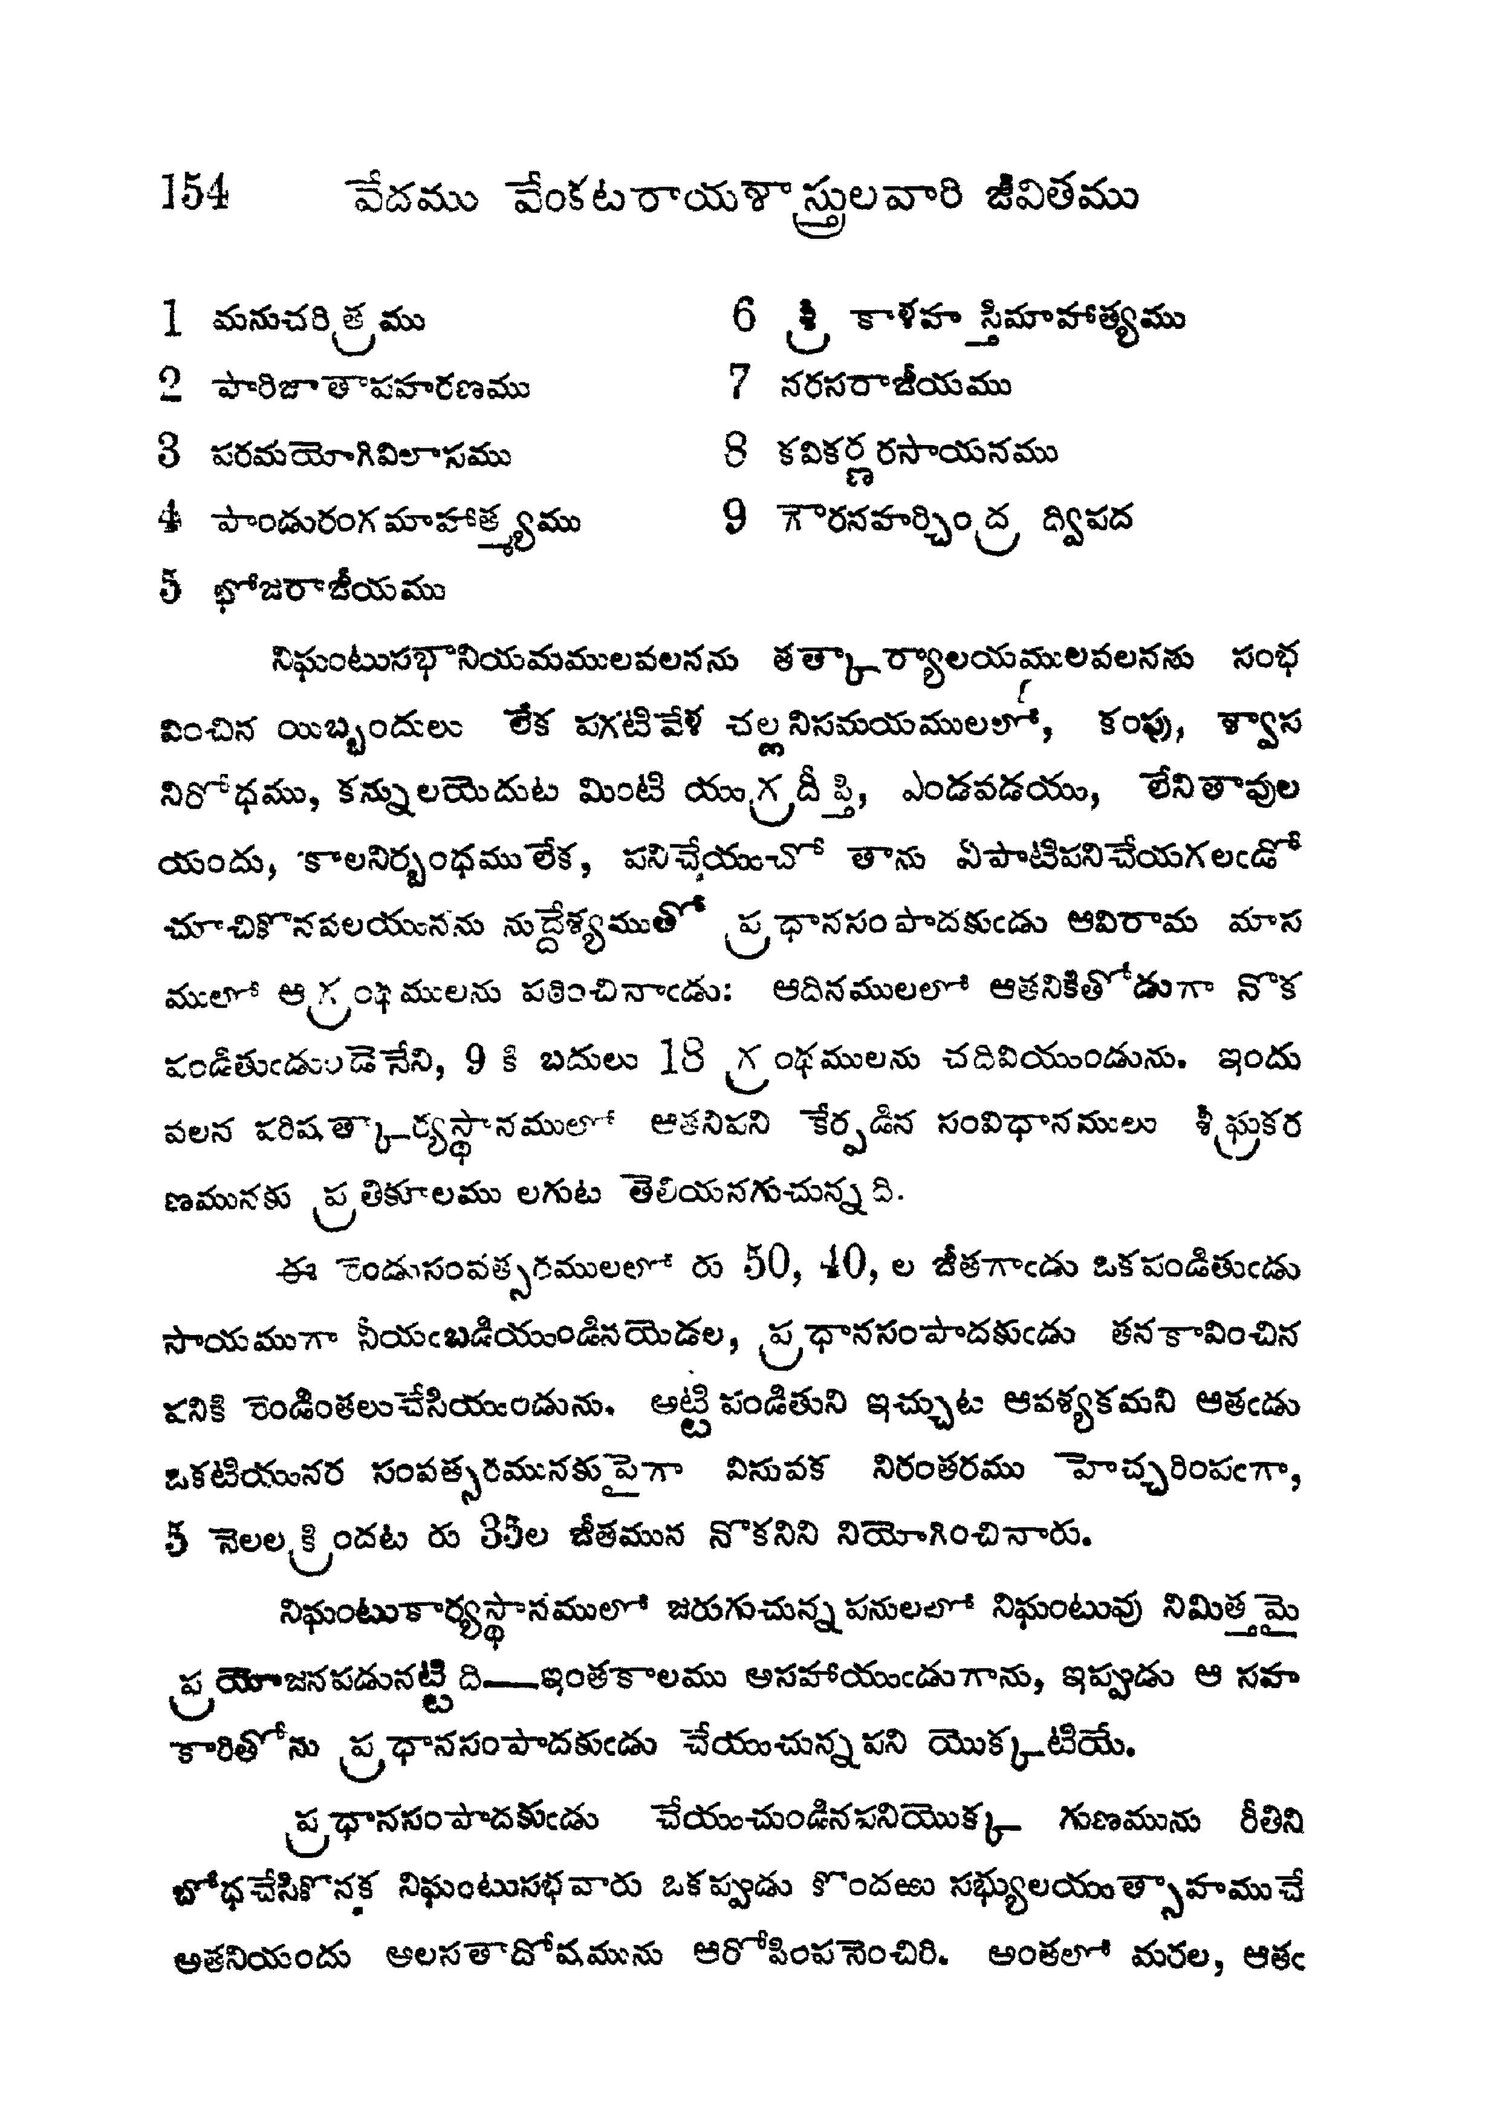1. మనుచరిత్రము
2. పారిజాతాపహరణము
3. పరమయోగివిలాసము
4. పాండురంగమాహాత్మ్యము
5. భోజరాజీయము
6. శ్రీ కాళహస్తిమాహాత్యము
7. నరసరాజీయము
8. కవికర్ణరసాయనము
9. గౌరనహరిశ్చంద్ర ద్విపద

నిఘంటుసభానియమములవలనను తత్కార్యాలయములవలనను సంభవించిన యిబ్బందులు లేక పగటివేళ చల్లనిసమయములలో, కంపు, శ్వాసనిరోధము, కన్నులయెదుట మింటి యుగ్రదీప్తి, ఎండవడయు, లేనితావులయందు, కాలనిర్భంధములేక, పనిచేయుచో తాను ఏపాటిపనిచేయగలడో చూచికొనవలయునను నుద్దేశ్యముతో ప్రధానసంపాదకుడు ఆవిరామ మాసములో ఆగ్రంథములను పఠించినాడు: ఆదినములలో ఆతనికితోడుగా నొకపండితుడుండెనేని, 9 కి బదులు 18 గ్రంథములను చదివియుండును. ఇందువలన పరిషత్కార్యస్థానములో ఆతనిపని కేర్పడిన సంవిధానములు శీఘ్రకరణమునకు ప్రతికూలము లగుట తెలియనగుచున్నది.

ఈ రెండుసంవత్సరములలో రు 50, 40, ల జీతగాడు ఒక పండితుడు సాయముగా నీయబడి యుండినయెడల, ప్రధానసంపాదకుడు తనకావించిన పనికి రెండింతలుచేసియుండును. అట్టి పండితుని ఇచ్చుట ఆవశ్యకమని ఆతడు ఒకటియునర సంవత్సరమునకుపైగా విసువక నిరంతరము హెచ్చరింపగా, 5 నెలలక్రిదట రు 35 ల జీతమున నొకనిని నియోగించినారు.

నిఘంటుకార్యస్థానములో జరుగుచున్నపనులలో నిఘంటువు నిమిత్తమై ప్రయోజనపడునట్టినది - ఇంతకాలము అసహాయుడుగాను , ఇప్పుడు ఆ సహకారితోను ప్రధానసంపాదకుడు చేయుచున్నపని యొక్కటియే.

ప్రధానసంపాదకుడు చేయుచుండిన పనియొక్క గుణమును రీతిని బోధచేసికొనక నిఘంటుసభవారు ఒకప్పుడు కొందఱు సభ్యులయుత్సాముచే అతనియందు అలసతాదోషమును ఆరోపింపనెంచిరి. అంతలో మరల, ఆత